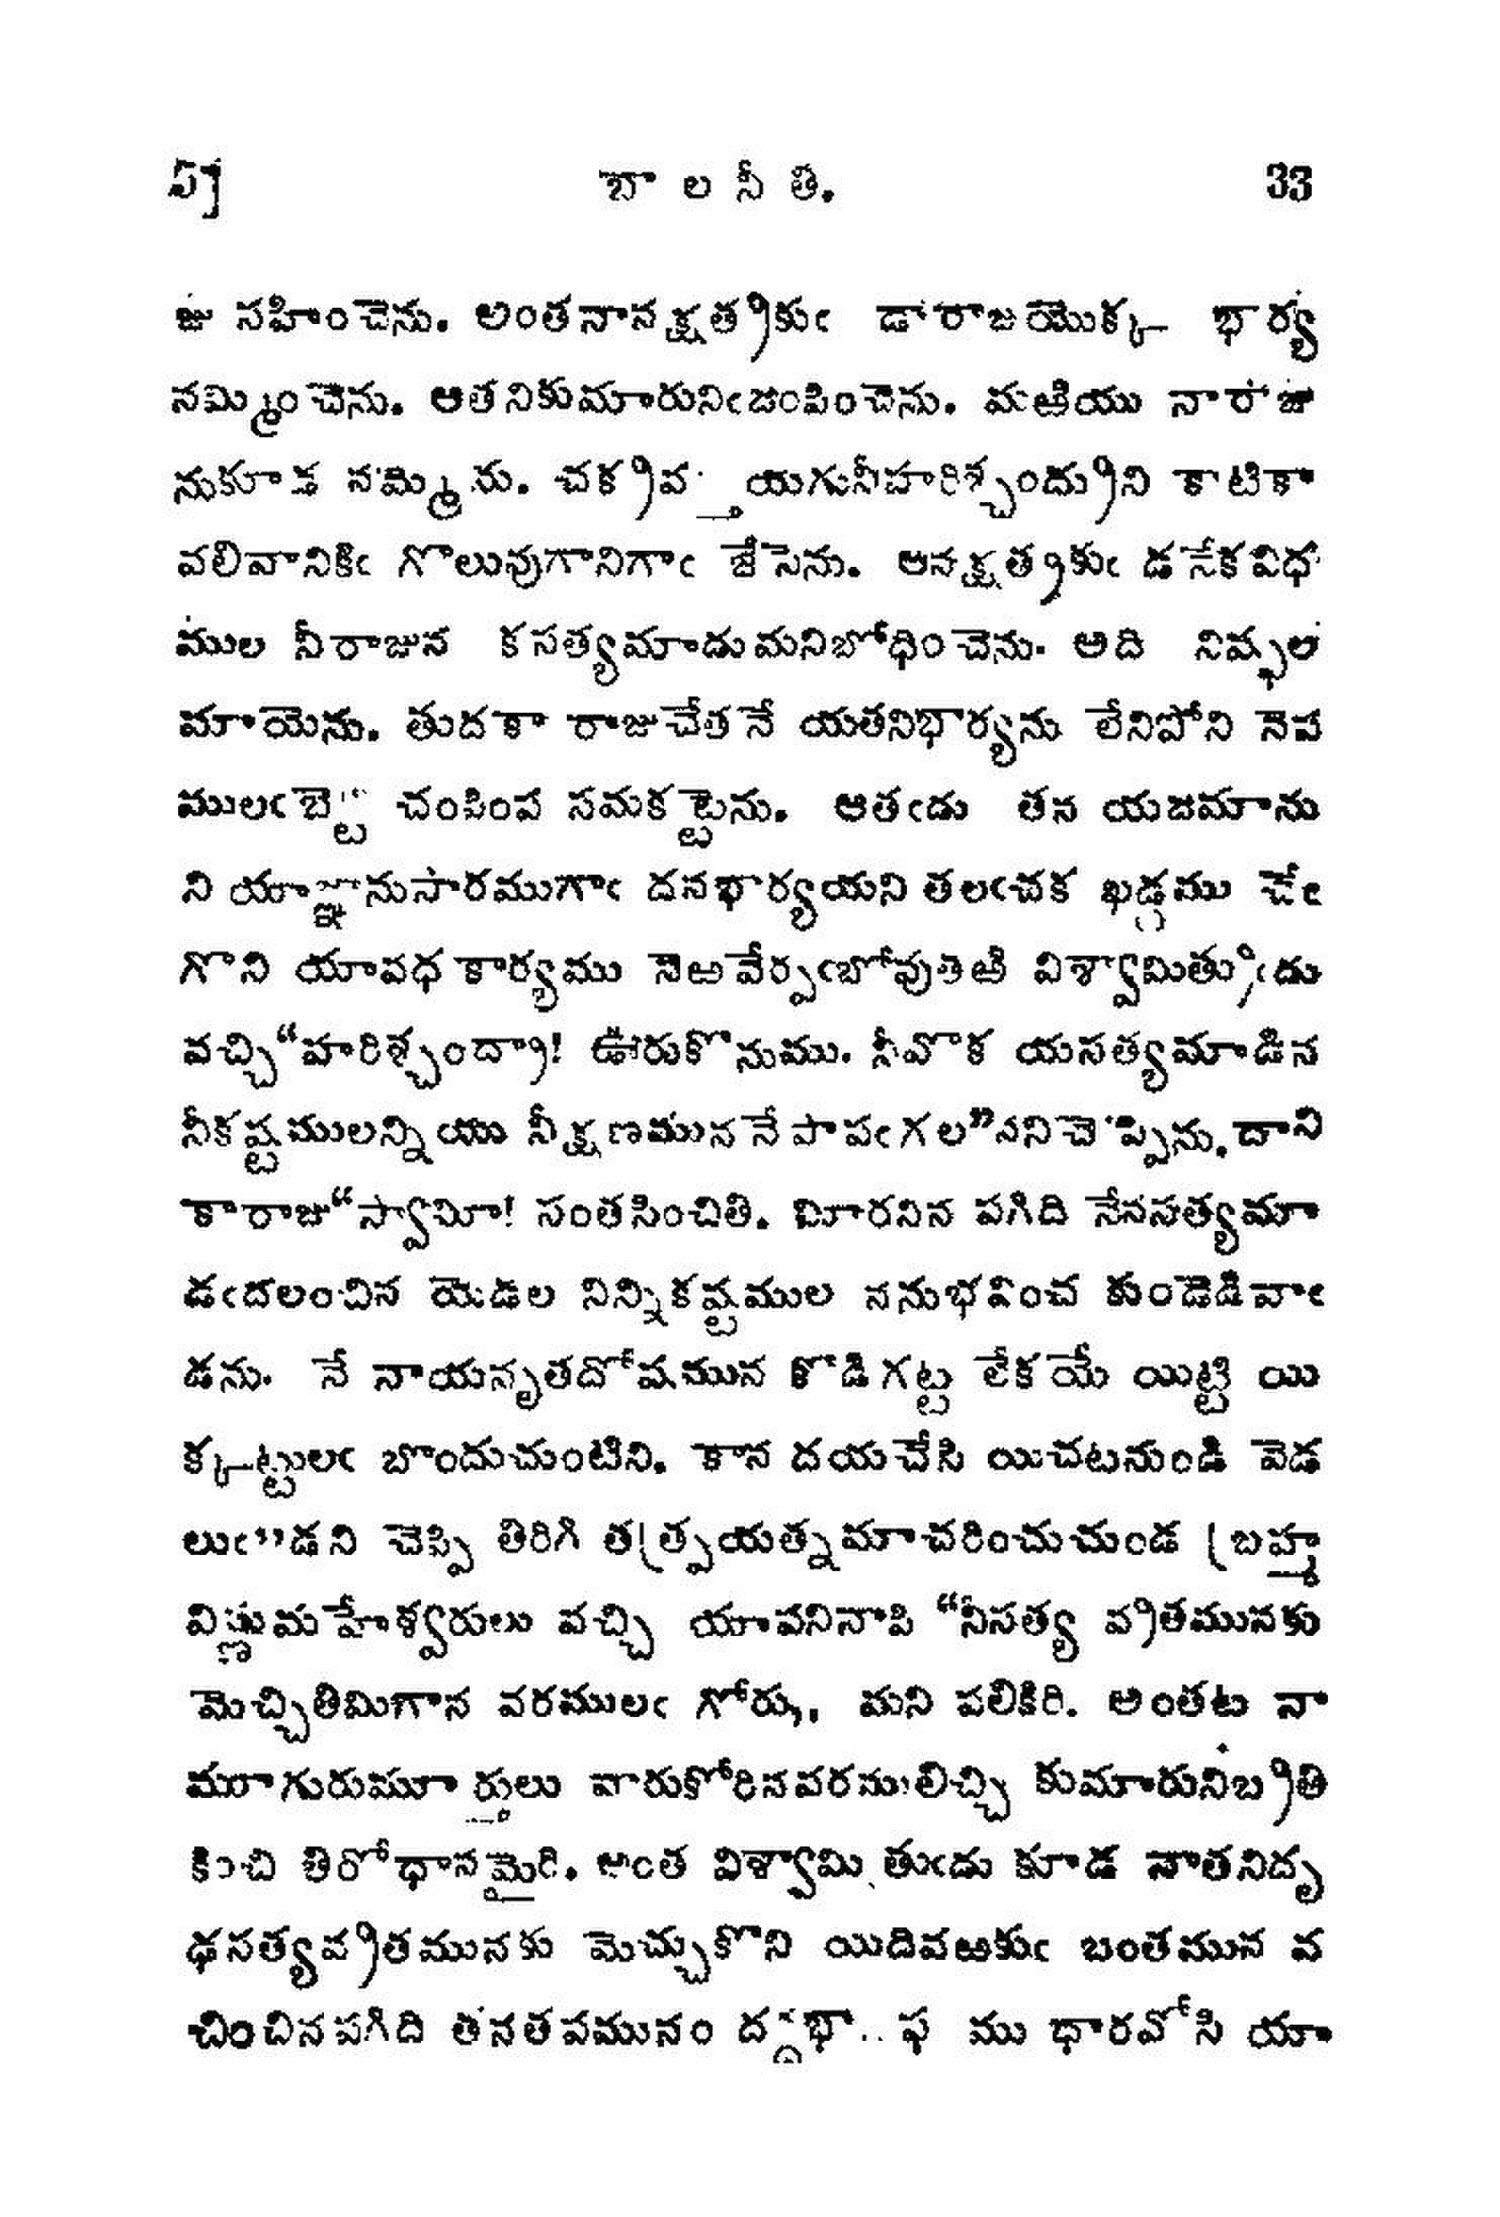జు సహించెను. అంతనానక్షత్రకుఁ డారాజుయొక్క భార్య
నమ్మించెను. ఆతనికుమారునిఁజంపించెను. మఱియు నారాజు
నుకూడ నమ్మెను. చక్రవర్తియగునీహరిశ్చంద్రుని కాటికా
వలివానికిఁ గొలువుగానిగాఁ జేసెను. ఆనక్షత్రకుఁ డనేకవిధ
ముల నీరాజున కసత్యమాడుమనిబోధించెను. అది నిష్ఫల
మాయెను. తుదకా రాజుచేతనే యతనిభార్యను లేనిపోని నెప
ములఁబెట్టి చంపింప సమకట్టెను. ఆతఁడు తన యజమాను
ని యాజ్ఞానుసారముగాఁ దనభార్యయని తలఁచక ఖడ్గము చేఁ
గొని యావధ కార్యము నెఱవేర్పఁబోవుతఱి విశ్వామిత్రుఁడు 
వచ్చి “హరిశ్చంద్రా! ఊరుకొనుము. నీవొక యసత్యమాడిన 
నీకష్టములన్నియు నీక్షణముననే పాపఁగల"ననిచెప్పెను. దాని
కారాజు “స్వామీ! సంతసించితి. మీరనిన పగిది నేనసత్యమా
డఁదలంచిన యెడల నిన్నికష్టముల ననుభవించ కుండెడివాఁ
డను. నే నాయనృతదోషమున కొడిగట్ట లేకయే యిట్టి యి
క్కటులఁ బొందుచుంటిని. కాన దయచేసి యిచటనుండి వెడ
లుఁ"డని చెప్పి తిరిగి తత్ప్రయత్నమాచరించుచుండ బ్రహ్మ
విష్ణుమహేశ్వరులు వచ్చి యాపనినాపి “నీసత్య వ్రతమునకు 
మెచ్చితిమిగాన వరములఁ గోరు, మని పలికిరి. అంతట నా
మూగురుమూర్తులు వారుకోరినవరములిచ్చి కుమారునిబ్రతి
కించి తిరోధానమైరి. అంత విశ్వామిత్రుఁడు కూడ నాతనిదృ
ఢసత్యవ్రతమునకు మెచ్చుకొని యిదివఱకుఁ బంతమున వ
చించినపగిది తనతపమునం దర్దభాగఫలము ధారవోసి యా